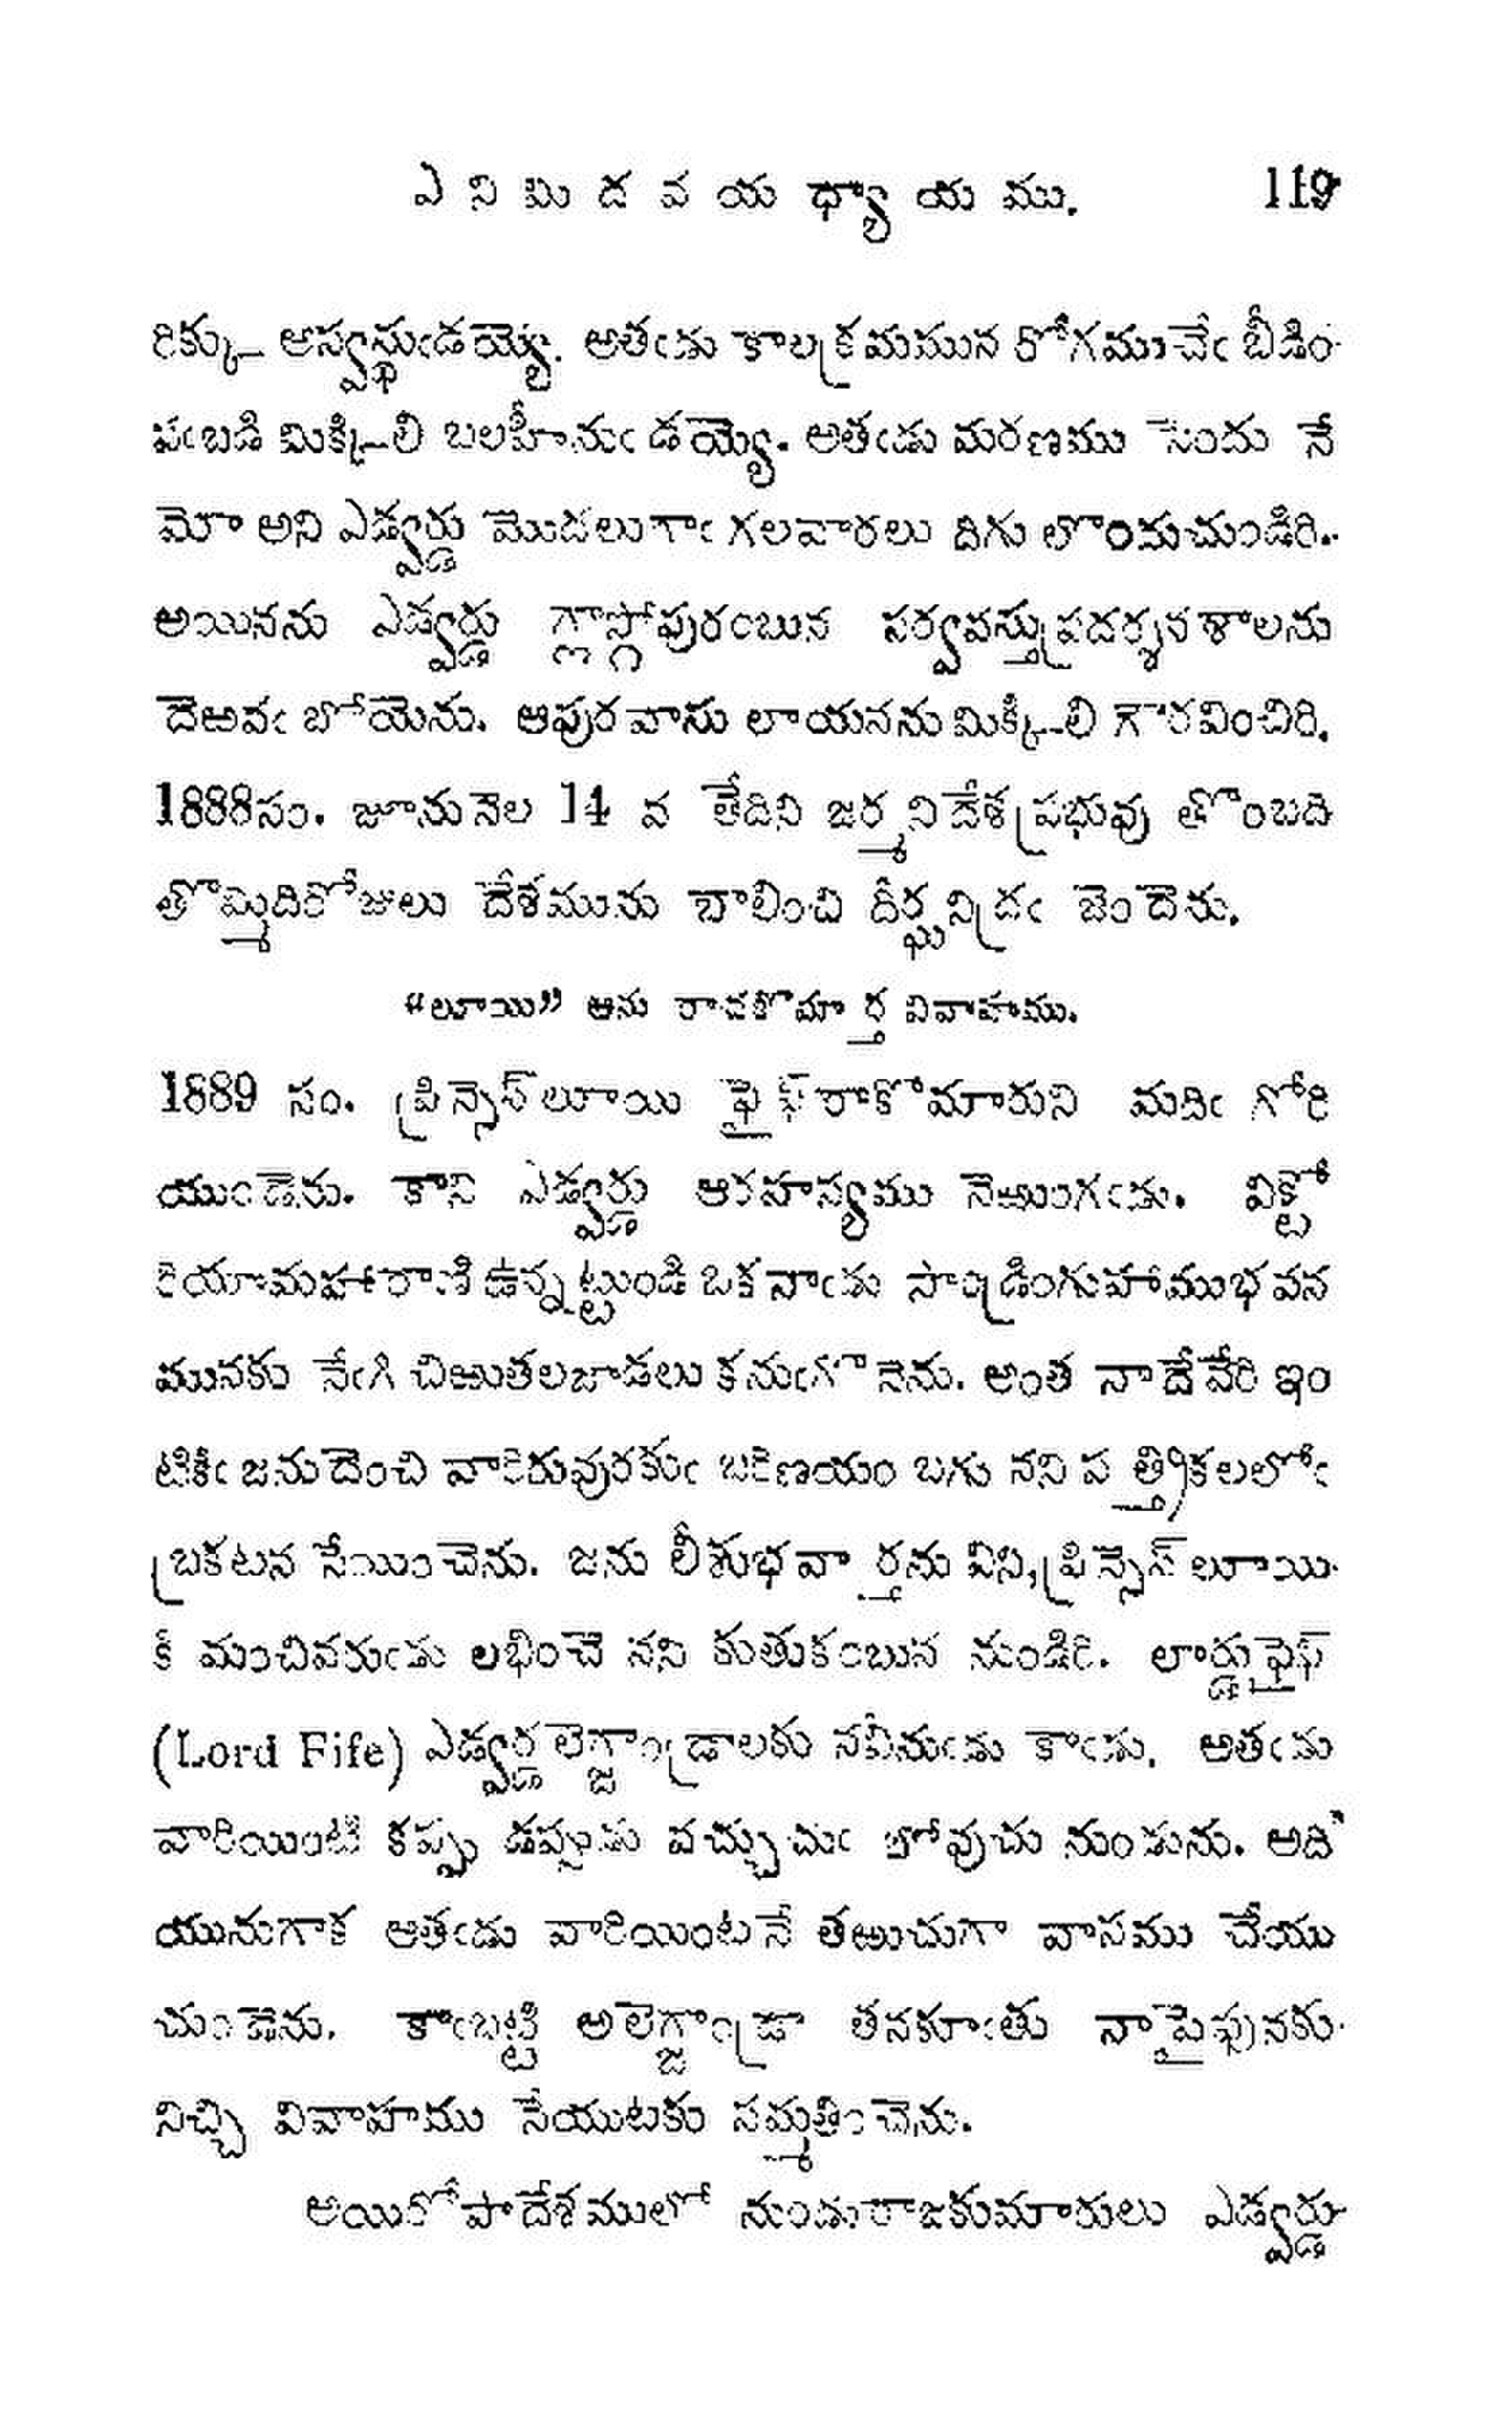రిక్కు ఆస్వస్థుఁడయ్యె. అతఁడు కాలక్రమమున రోగముచేఁ బీడిం- పఁ బడి మిక్కిలి బలహీనుఁ డయ్యె. అతఁడు మరణము నందు నే మో అని ఎడ్వర్డు మొదలుగా గలవారలు దిగు లొంచుచుండిరి.. అయినను ఎడ్వర్డు గ్లాస్గోపురంబున సర్వవస్తు ప్రదర్శన శాలను దెరవఁ బోయెను. ఆపురవాసులాయనను మిక్కిలి గౌరవించిరి. 1888 సం. జూను నెల 14 వ తేదిని జర్మని దేశ ప్రభువు తొంబది తొమ్మిది రోజులు దేశమును చాలించి దీర్ఘనిద్ర 'జెందెను.

"లూయి" అను రాచకొమార్త వివాహాము.

1889 సం. ప్రిన్సెస్ లూయి ఫై ఫ్ రాకొమారుని మదిఁ గోరి యుఁండెను. కాని ఎడ్వర్లు ఆరహన్యము నెఱంగఁడు. విక్టో కొయూ మహారాణి ఉన్నట్టుండి ఒక నాడు సాండ్రింగుహాముభవన మునకు నేఁగి చిఱుతల జాడలు కనుగొనెను. అంత నా దేవేరి ఇం టికిఁ జనుదెంచి వారిరువురకుఁ బరిణయం బగు నని పత్రికలలో బ్రకటన సేయించెను. జను లీశుభవార్తను ఏస, ప్రిన్సెస్ : కి మంచివరుఁడు లభించె నని కుతుకంబున నుండిరి. లార్డు ఫైఫ్ (l.ord Fife) ఎడ్వర్డ ల్ర్గ్జాం డ్రాలకు నవీనుఁడు కాఁడు. అతఁడు వారియింటి కప్పుడప్పుడు వచ్చుచుం బోవుచు నుండును. అది యునుగాక అతడు వారియింటనే తఱుచుగా వాసము చేయు చుడెను. కాబట్టి అలెగ్జాండ్రా తనకూఁతు న్నా పైపునకు నిచ్చి వివాహము సేయుటకు సమ్మతించెను.

అయిరోపా దేశములో నుండు రాజకుమారులు ఎడ్వర్డు